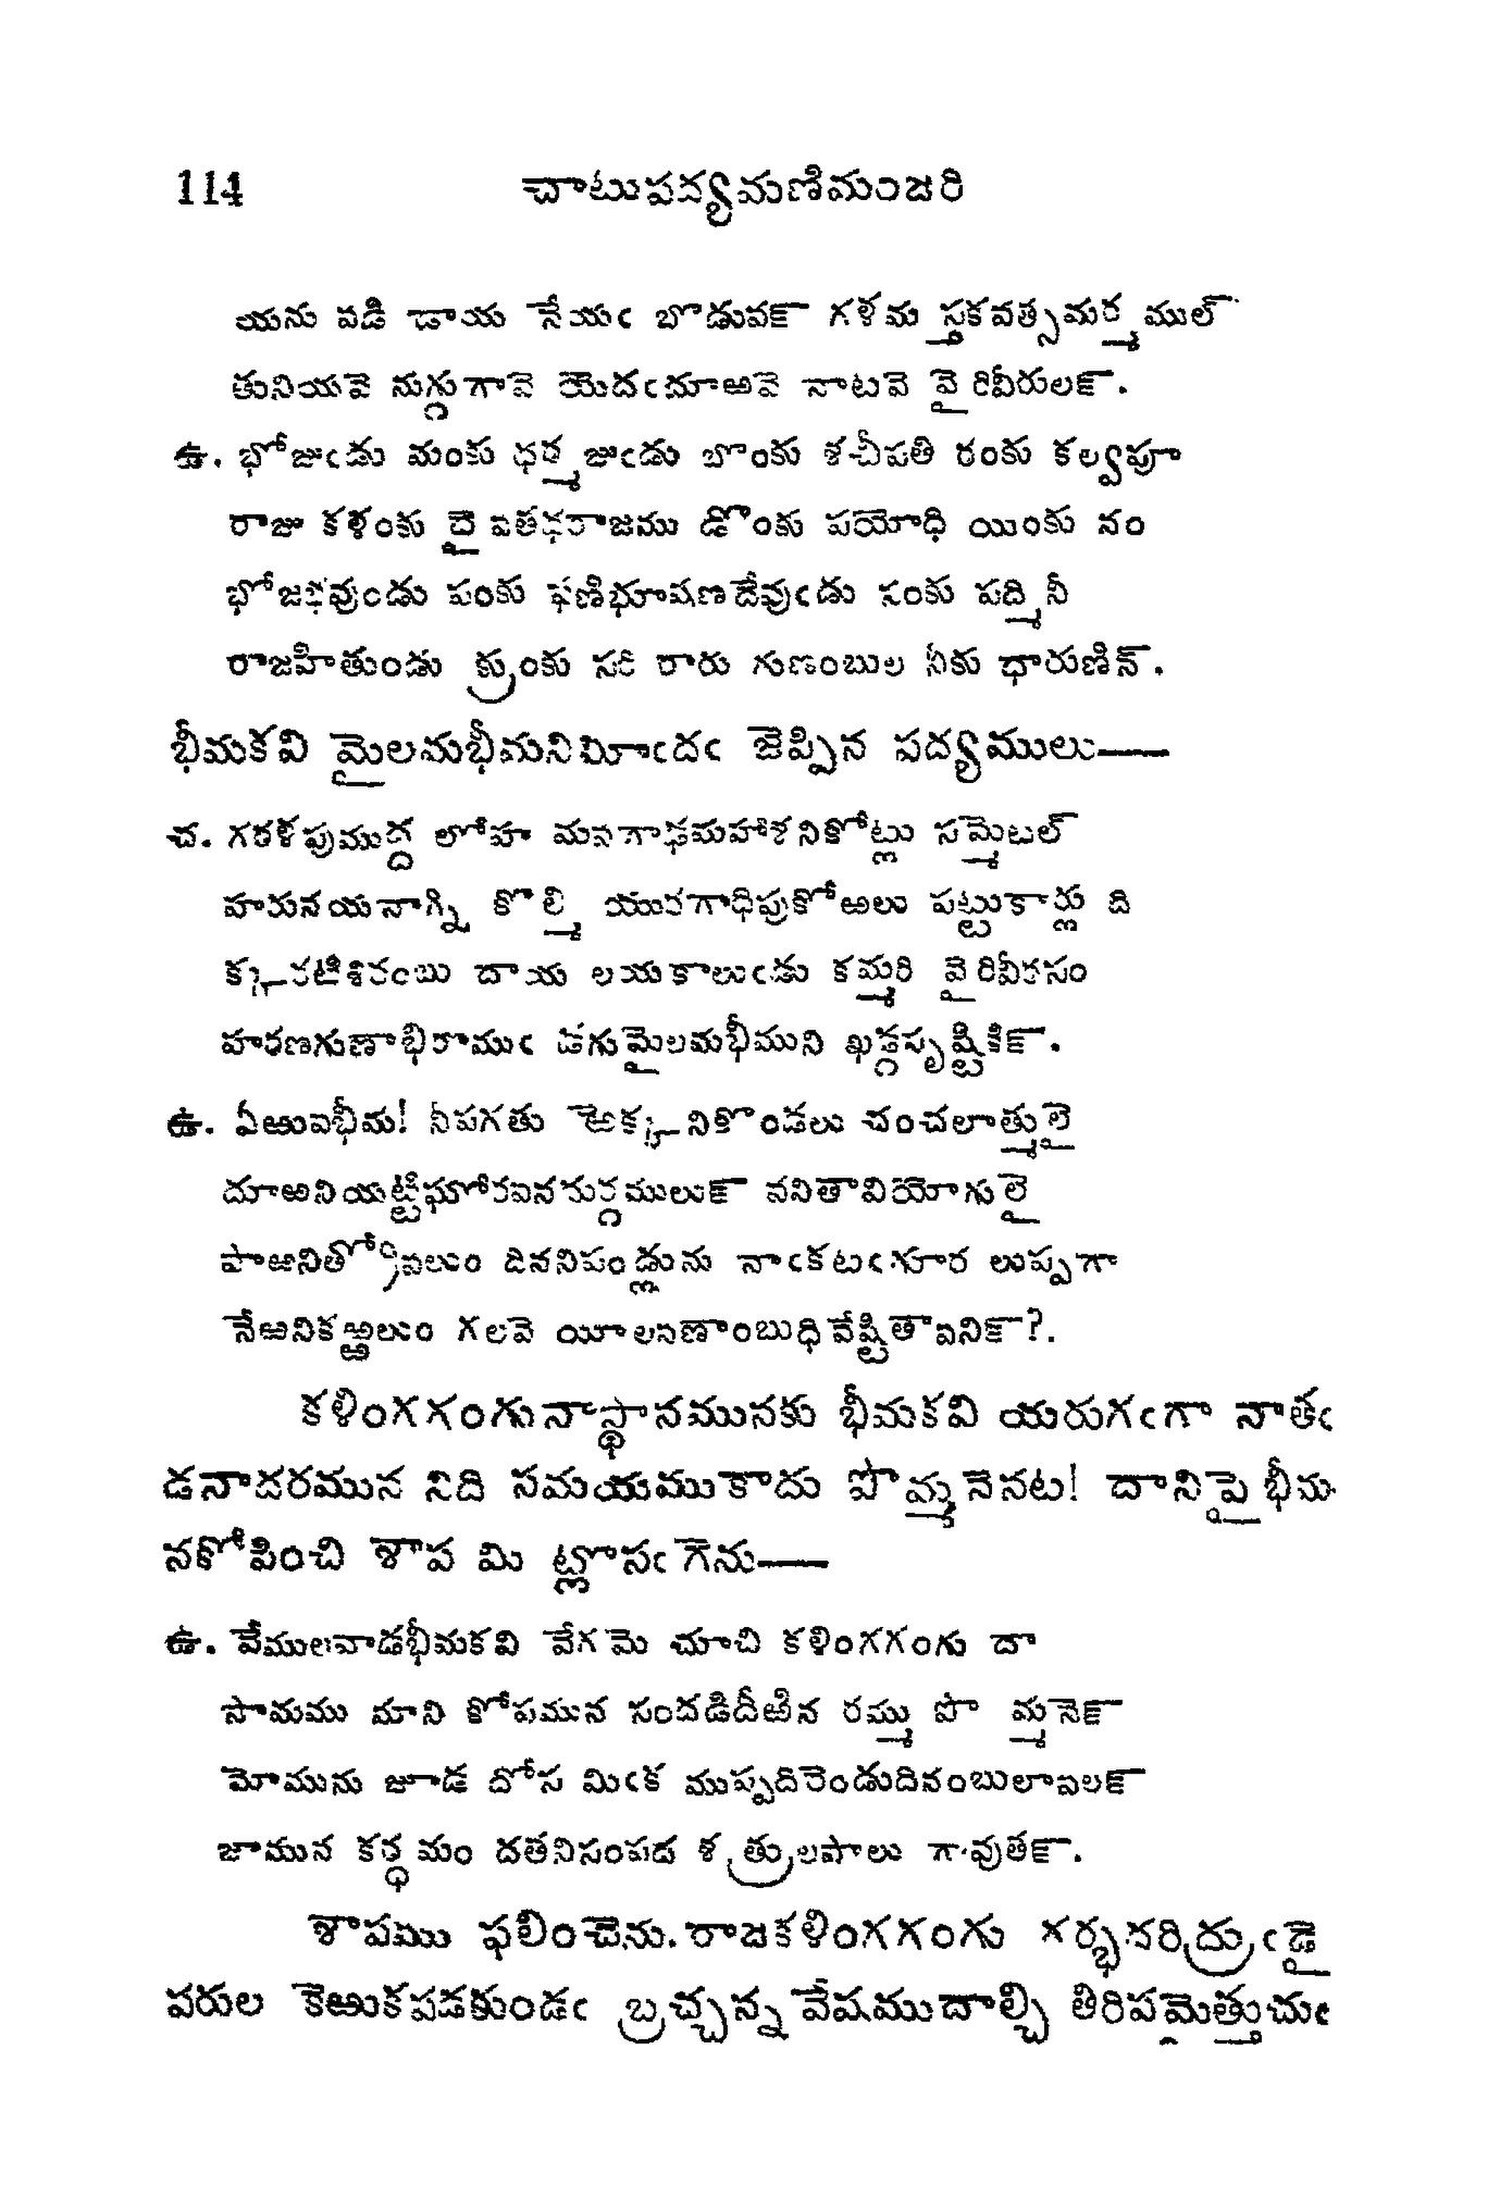యను వడి డాయ నేయఁ బొడువన్ గళమస్తకవత్సమర్మముల్
 తునియవె నుగ్గుగావె యెదఁదూఱవె నాటవె వైరివీరులన్.
ఉ. భోజుఁడు మంకు ధర్మజుఁడు బొంకు శచీపతి రంకు గల్వపూ
 రాజు కళంకు దైవతధరాజము డొంకు పయోధి యింకు నం
 భోజభవుండు పంకు ఫణిభూషణదేవుఁడు సంకు పద్మినీ
 రాజహితుండు క్రుంకు సరి రారు గుణంబుల నీకు ధారుణిన్.
భీమకవి మైలమభీమునిమీఁదఁ జెప్పిన పద్యములు—
చ. గరళపుముద్ద లోహ మవగాఢమహాశనికోట్లు సమ్మెటల్
 హరునయనాగ్ని కొల్మి యురగాధిపుకోఱలు పట్టుకార్లు ది
 క్కరటిశిరంబు దాయ లయకాలుఁడు కమ్మరి వైరివీరసం
 హరణగుణాభిరాముఁ డగు మైలమభీముని ఖడ్గసృష్టికిన్.
ఉ. ఏఱువభీమ! నీపగతు ఱెక్కనికొండలు చంచలాత్ములై
 దూఱనియట్టిఘోరవనదుర్గములున్ వనితావియోగులై
 పాఱనిద్రోవలుం దిననిపండ్లును నాఁకటఁగూర లుప్పగా
 నేఱనికఱ్ఱలుం గలవె యీలవణాంబుధివేష్టితావనిన్?
కళింగగంగునాస్థానమునకు భీమకవి యరుగఁగా నాతఁ డనాదరమున నిది సమయము కాదు పొమ్మనెనఁట! దానిపై భీమన కోపించి శాప మి ట్లొసఁగెను—
ఉ. వేములవాడభీమకవి వేగమె చూచి కళింగగంగు తా
 సామము మాని కోపమున సందడిదీఱిన రమ్ము పొ మ్మనెన్
 మోమును జూడ దోష మిఁక ముప్పదిరెండుదినంబులావలన్
 జామున కర్ధమం దతనిసంపద శత్రులపాలు గావుతన్.
శాపము ఫలించెను. రాజకళింగగంగు గర్భదరిద్రుఁడై పరుల కెఱుకపడకుండఁ బ్రచ్ఛన్నవేషము దాల్చి తిరిపమెత్తుచుఁ